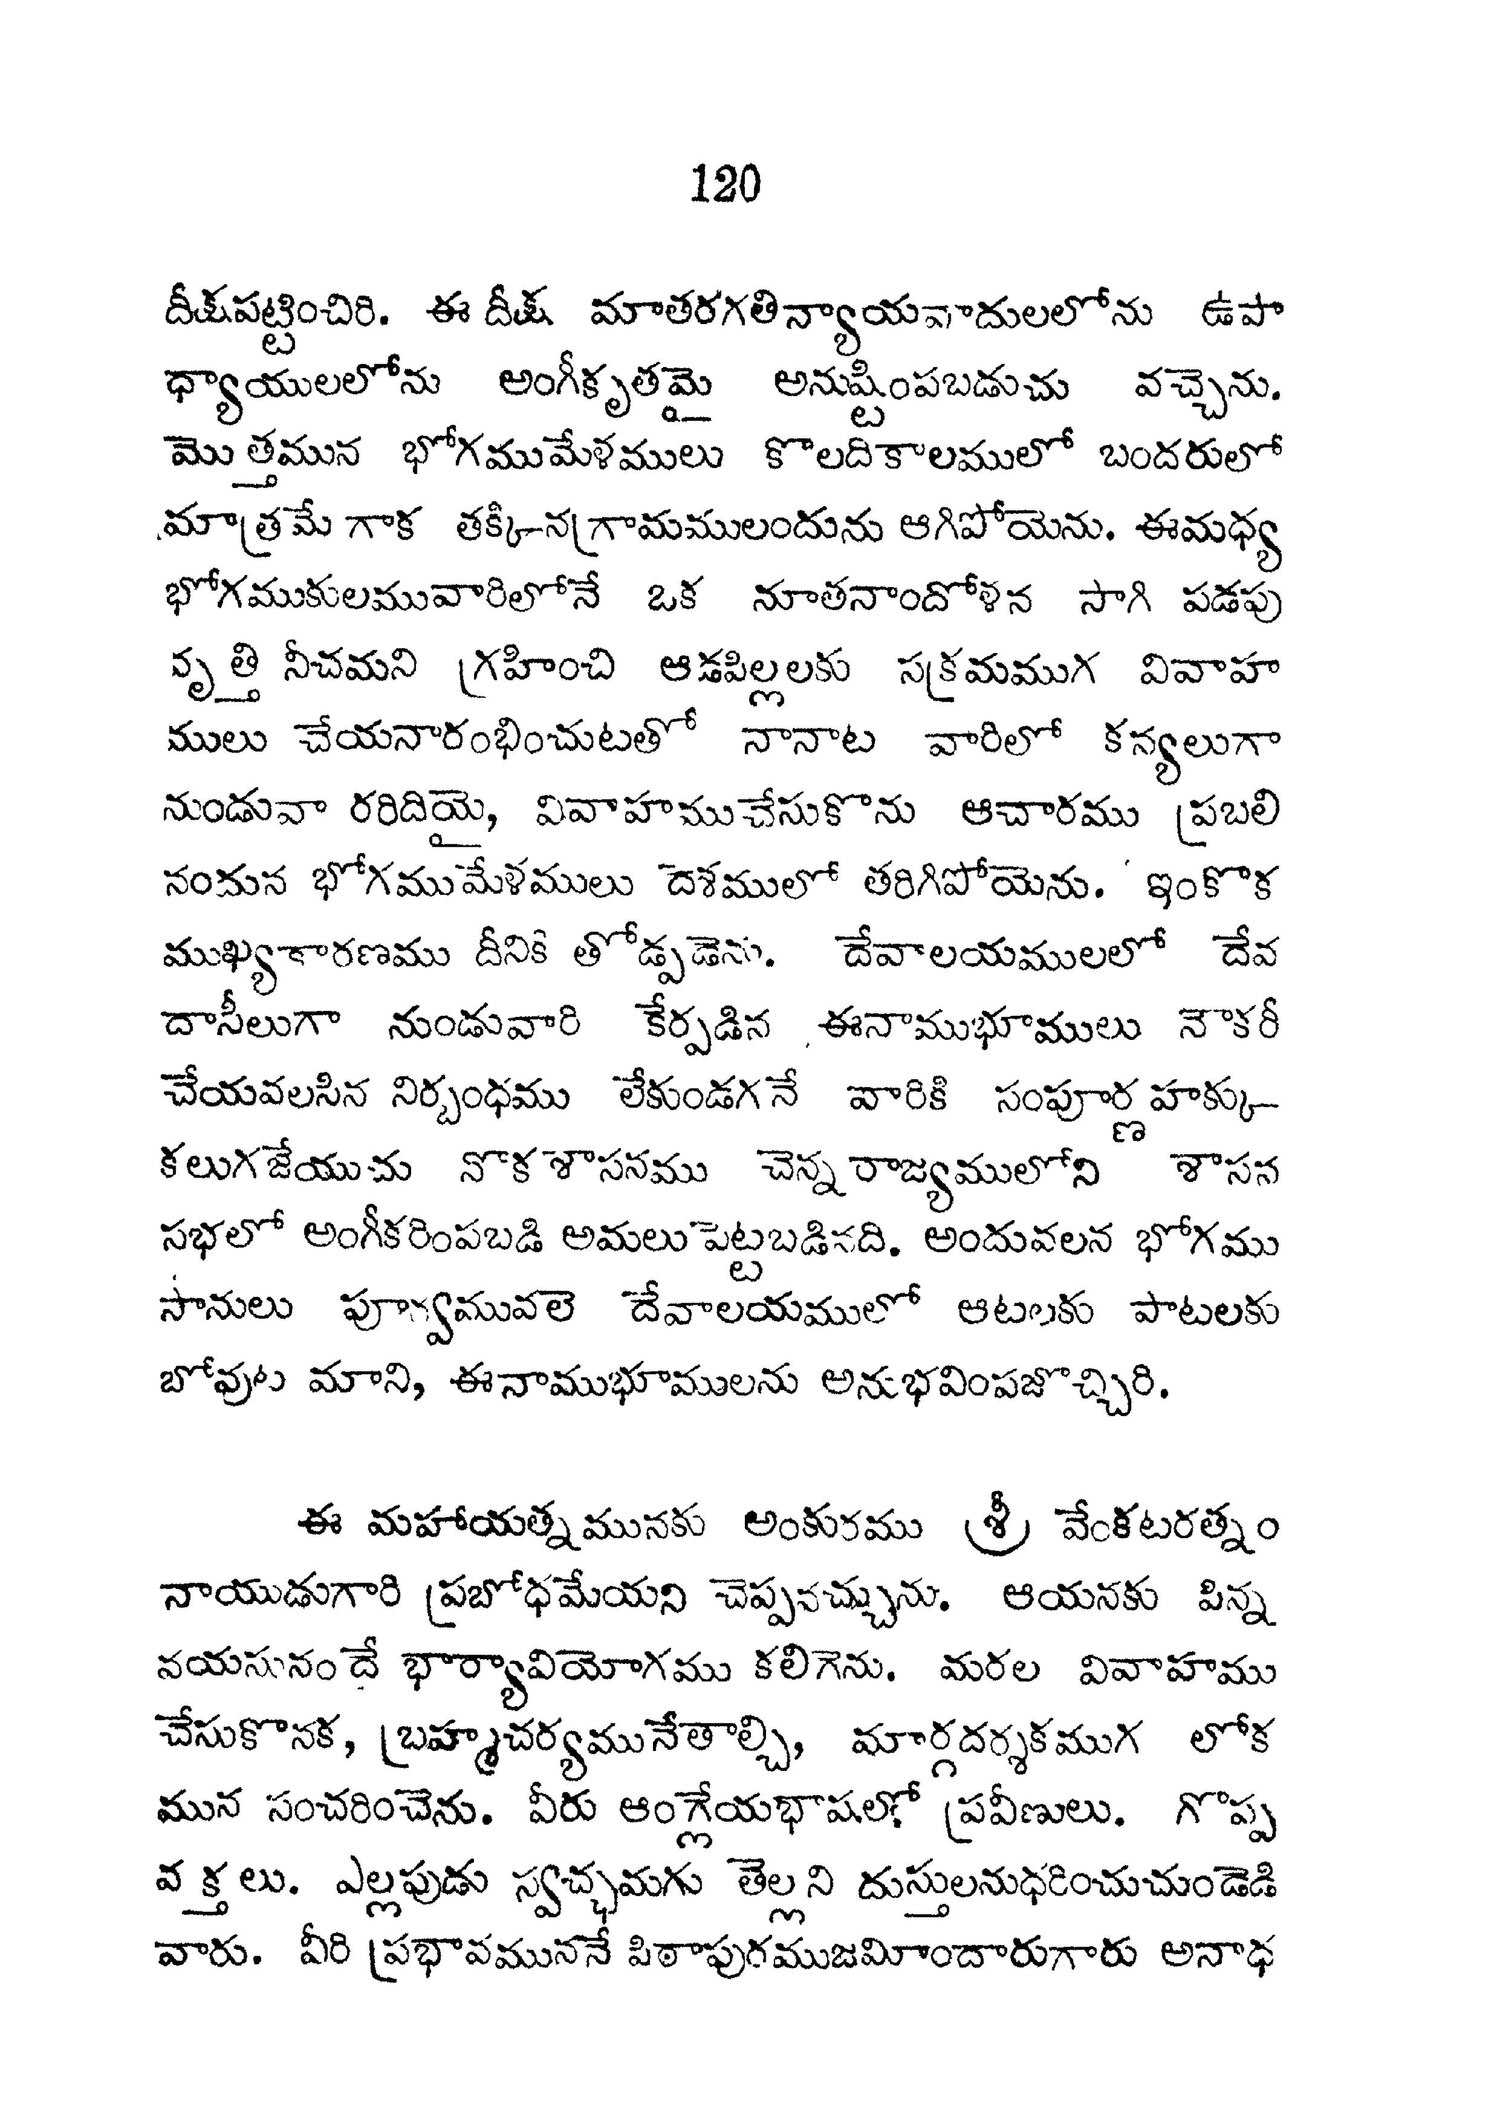దీక్షపట్టించిరి. ఈ దీక్ష మాతరగతిన్యాయవాదులలోను ఉపాధ్యాయులలోను అంగీకృతమై అనుష్టింపబడుచు వచ్చెను. మొత్తమున భోగముమేళములు కొలదికాలములో బందరులో మాత్రమేగాక తక్కినగ్రామములందును ఆగిపోయెను. ఈమధ్య భోగముకులమువారిలోనే ఒక నూతనాందోళన సాగి పడపువృత్తి నీచమని గ్రహించి ఆడపిల్లలకు సక్రమముగ వివాహములు చేయనారంభించుటతో నానాట వారిలో కన్యలుగా నుండువా రరిదియై, వివాహముచేసుకొను ఆచారము ప్రబలినందున భోగముమేళములు దేశములో తరిగిపోయెను. ఇంకొక ముఖ్యకారణము దీనికి తోడ్పడెను. దేవాలయములలో దేవదాసీలుగా నుండువారి కేర్పడిన ఈనాముభూములు నౌకరీ చేయవలసిన నిర్బంధము లేకుండగనే వారికి సంపూర్ణహక్కు కలుగజేయుచు నొకశాసనము చెన్నరాజ్యములోని శాసన సభలో అంగీకరింపబడి అమలుపెట్టబడినది. అందువలన భోగము సానులు పూర్వమువలె దేవాలయములో ఆటలకు పాటలకు బోవుట మాని, ఈనాముభూములను అనుభవింపజొచ్చిరి.

ఈ మహాయత్నమునకు అంకురము శ్రీ వేంకటరత్నంనాయుడుగారి ప్రబోధమేయని చెప్పవచ్చును. ఆయనకు పిన్నవయసునందే భార్యావియోగము కలిగెను. మరల వివాహము చేసుకొనక, బ్రహ్మచర్యమునేతాల్చి, మార్గదర్శకముగ లోకమున సంచరించెను. వీరు ఆంగ్లేయభాషలో ప్రవీణులు. గొప్పవక్తలు. ఎల్లప్పుడు స్వచ్ఛమగు తెల్లని దుస్తులనుధరించుచుండెడి వారు. వీరి ప్రభావముననే పిఠాపురముజమీందారుగారు అనాధ